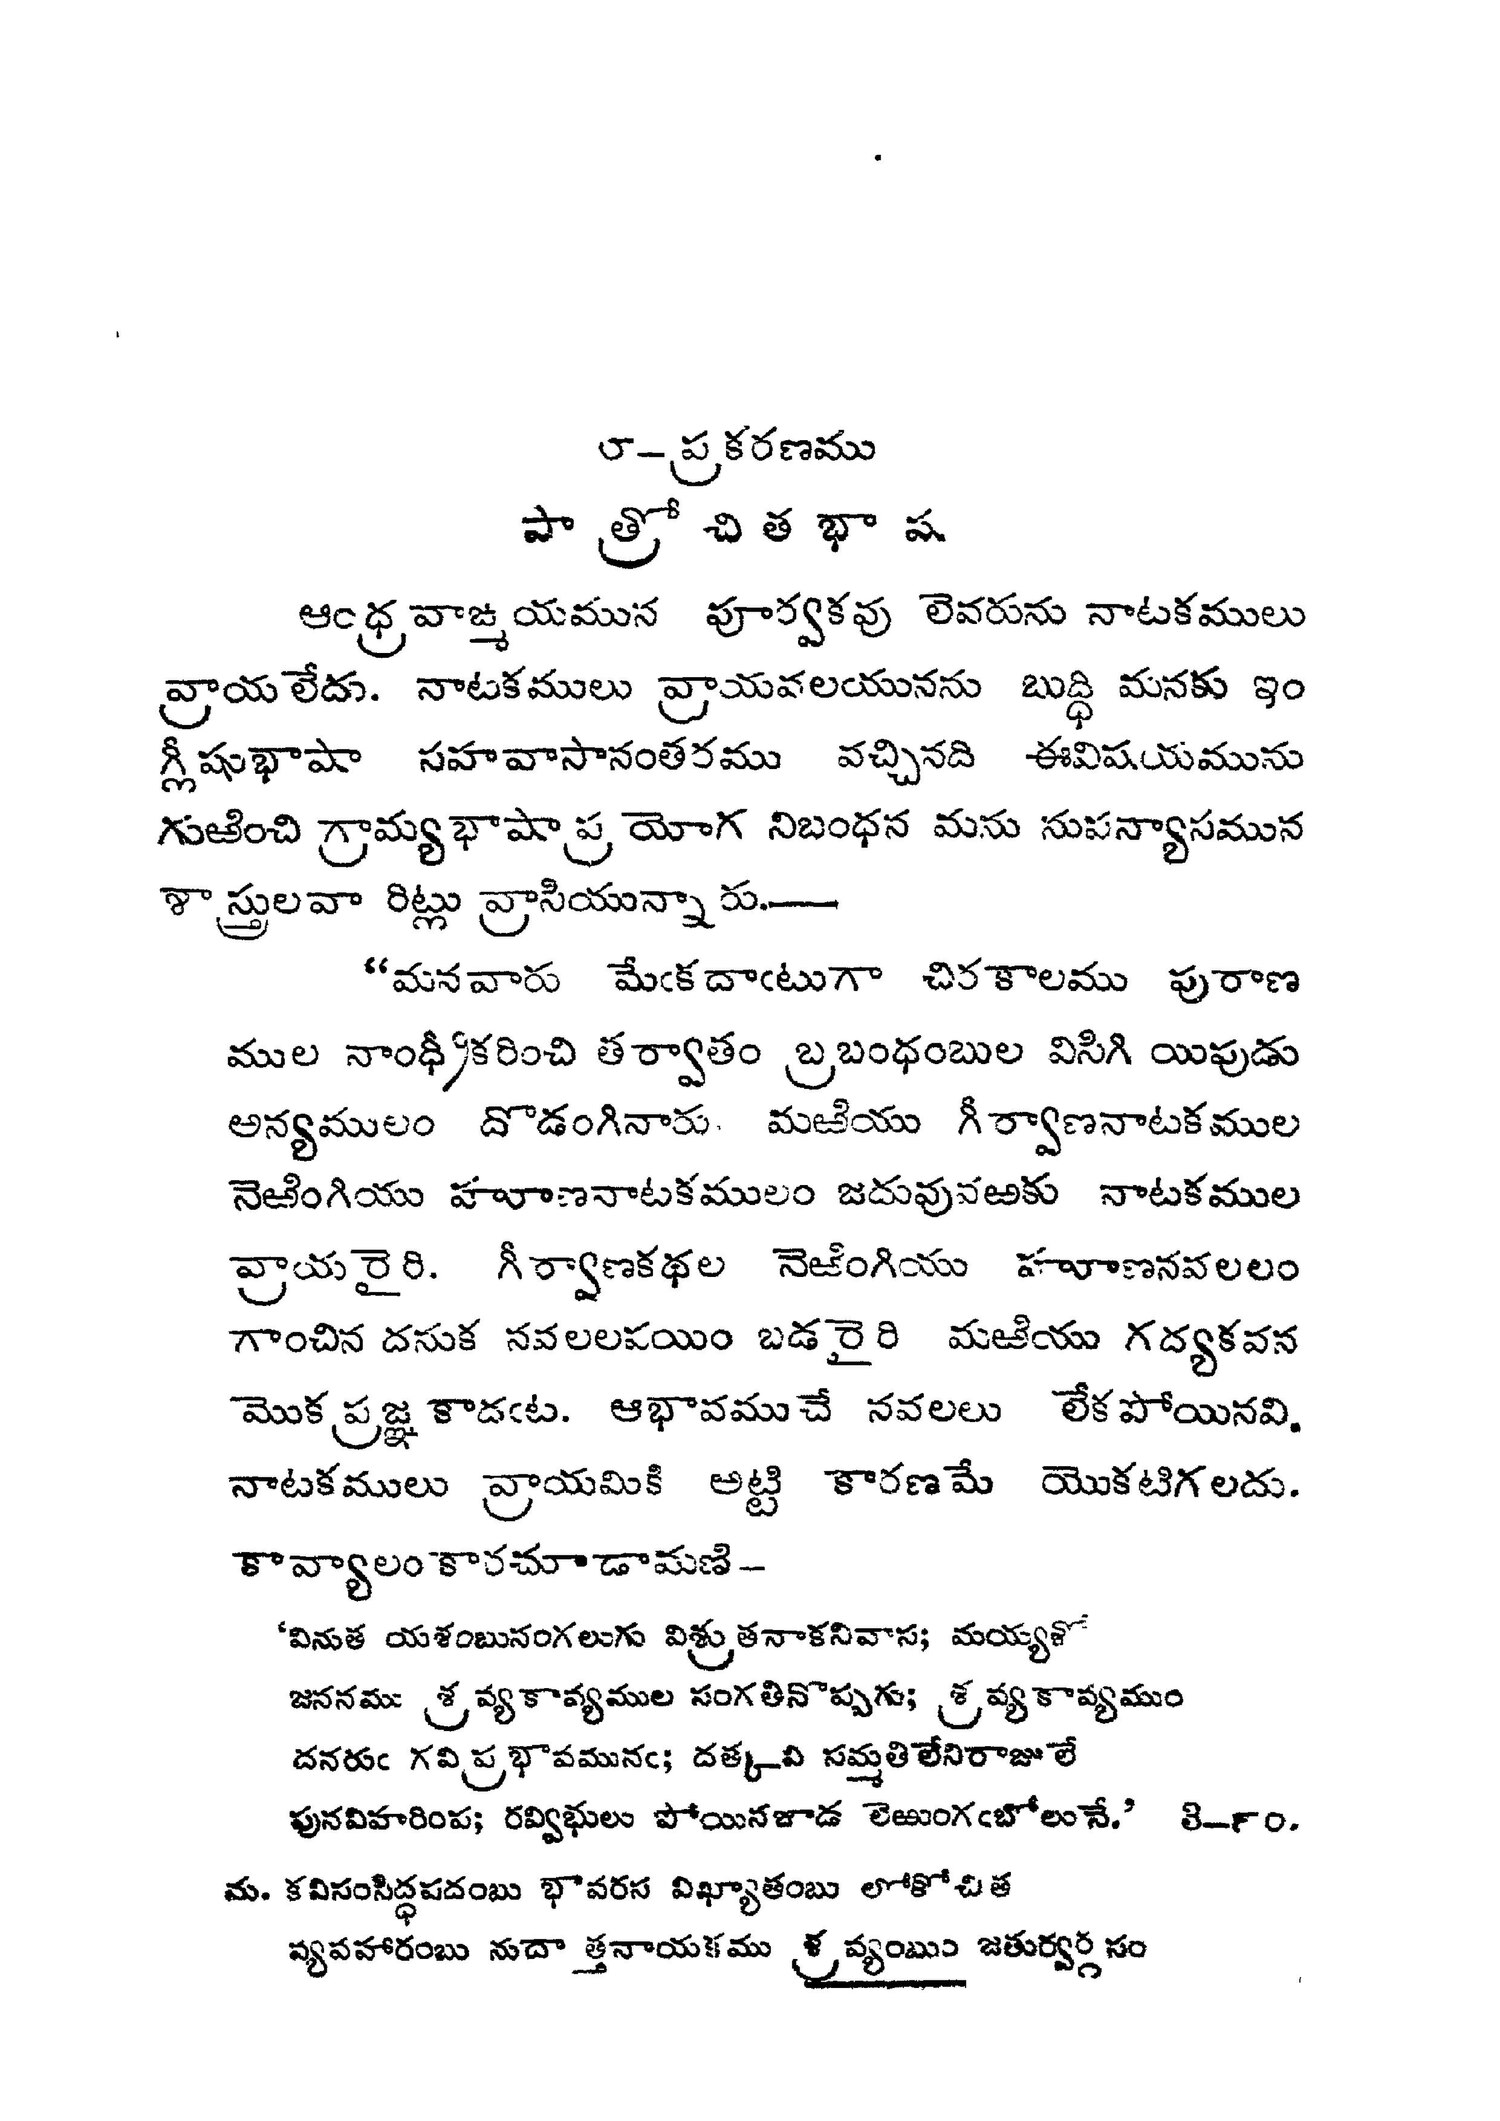ఆంధ్రవాఙ్మయమున పూర్వకవు లెవరును నాటకములు వ్రాయలేదు. నాటకములు వ్రాయవలయునను బుద్ధి మనకు ఇంగ్లీషుభాషా సహవాసానంతరము వచ్చినది. ఈవిషయమును గుఱించి గ్రామ్యభాషాప్రయోగ నిబంధన మను నుపన్యాసమున శాస్త్రులవా రిట్లు వ్రాసియున్నారు-

"మనవారు మేకదాటుగా చిరకాలము పురాణముల నాంధ్రీకరించి తర్వాతం బ్రబంధంబుల విసిగి యిపుడు అన్యములం దొడంగినారు. మఱియు గీర్వాణనాటకముల నెఱింగియు హూణనాటకములం జదువువఱకు నాటకముల వ్రాయరైరి. గీర్వాణకథల నెఱింగియు హూణనవలలంగాచిన దనుక నవలలయిం బడరైరి మఱియు గద్యకవన మొకప్రజ్ఞ కాదట. ఆభావముచే నవలలు లేకపోయినవి. నాటకములు వ్రాయమికి అట్టి కారణమే యొకటిగలదు.

కావ్యాలంకారచూడామణి-

 'వినుత యశంబునంగలుగు విశ్రుతనాకనివాస; మయ్యశో
 జననము శ్రవ్యకావ్యముల సంగతినొప్పగు; శ్రవ్యకావ్యముం
 దనరు గవిప్రభావమున; దత్కవి సమ్మతిలేనిరాజులే
 పునవిహరింప; రవ్విభులు పోయినజాడ లెఱుంగబోలంనే.' (3-90.)

 మ. కవిసంసిద్ధపదంబు భావరస విఖ్యాతంబు లోకోచిత
 వ్యవహారంబు నుదాత్తనాయకము శ్రవ్యంబుం జతుర్వర్గ సం